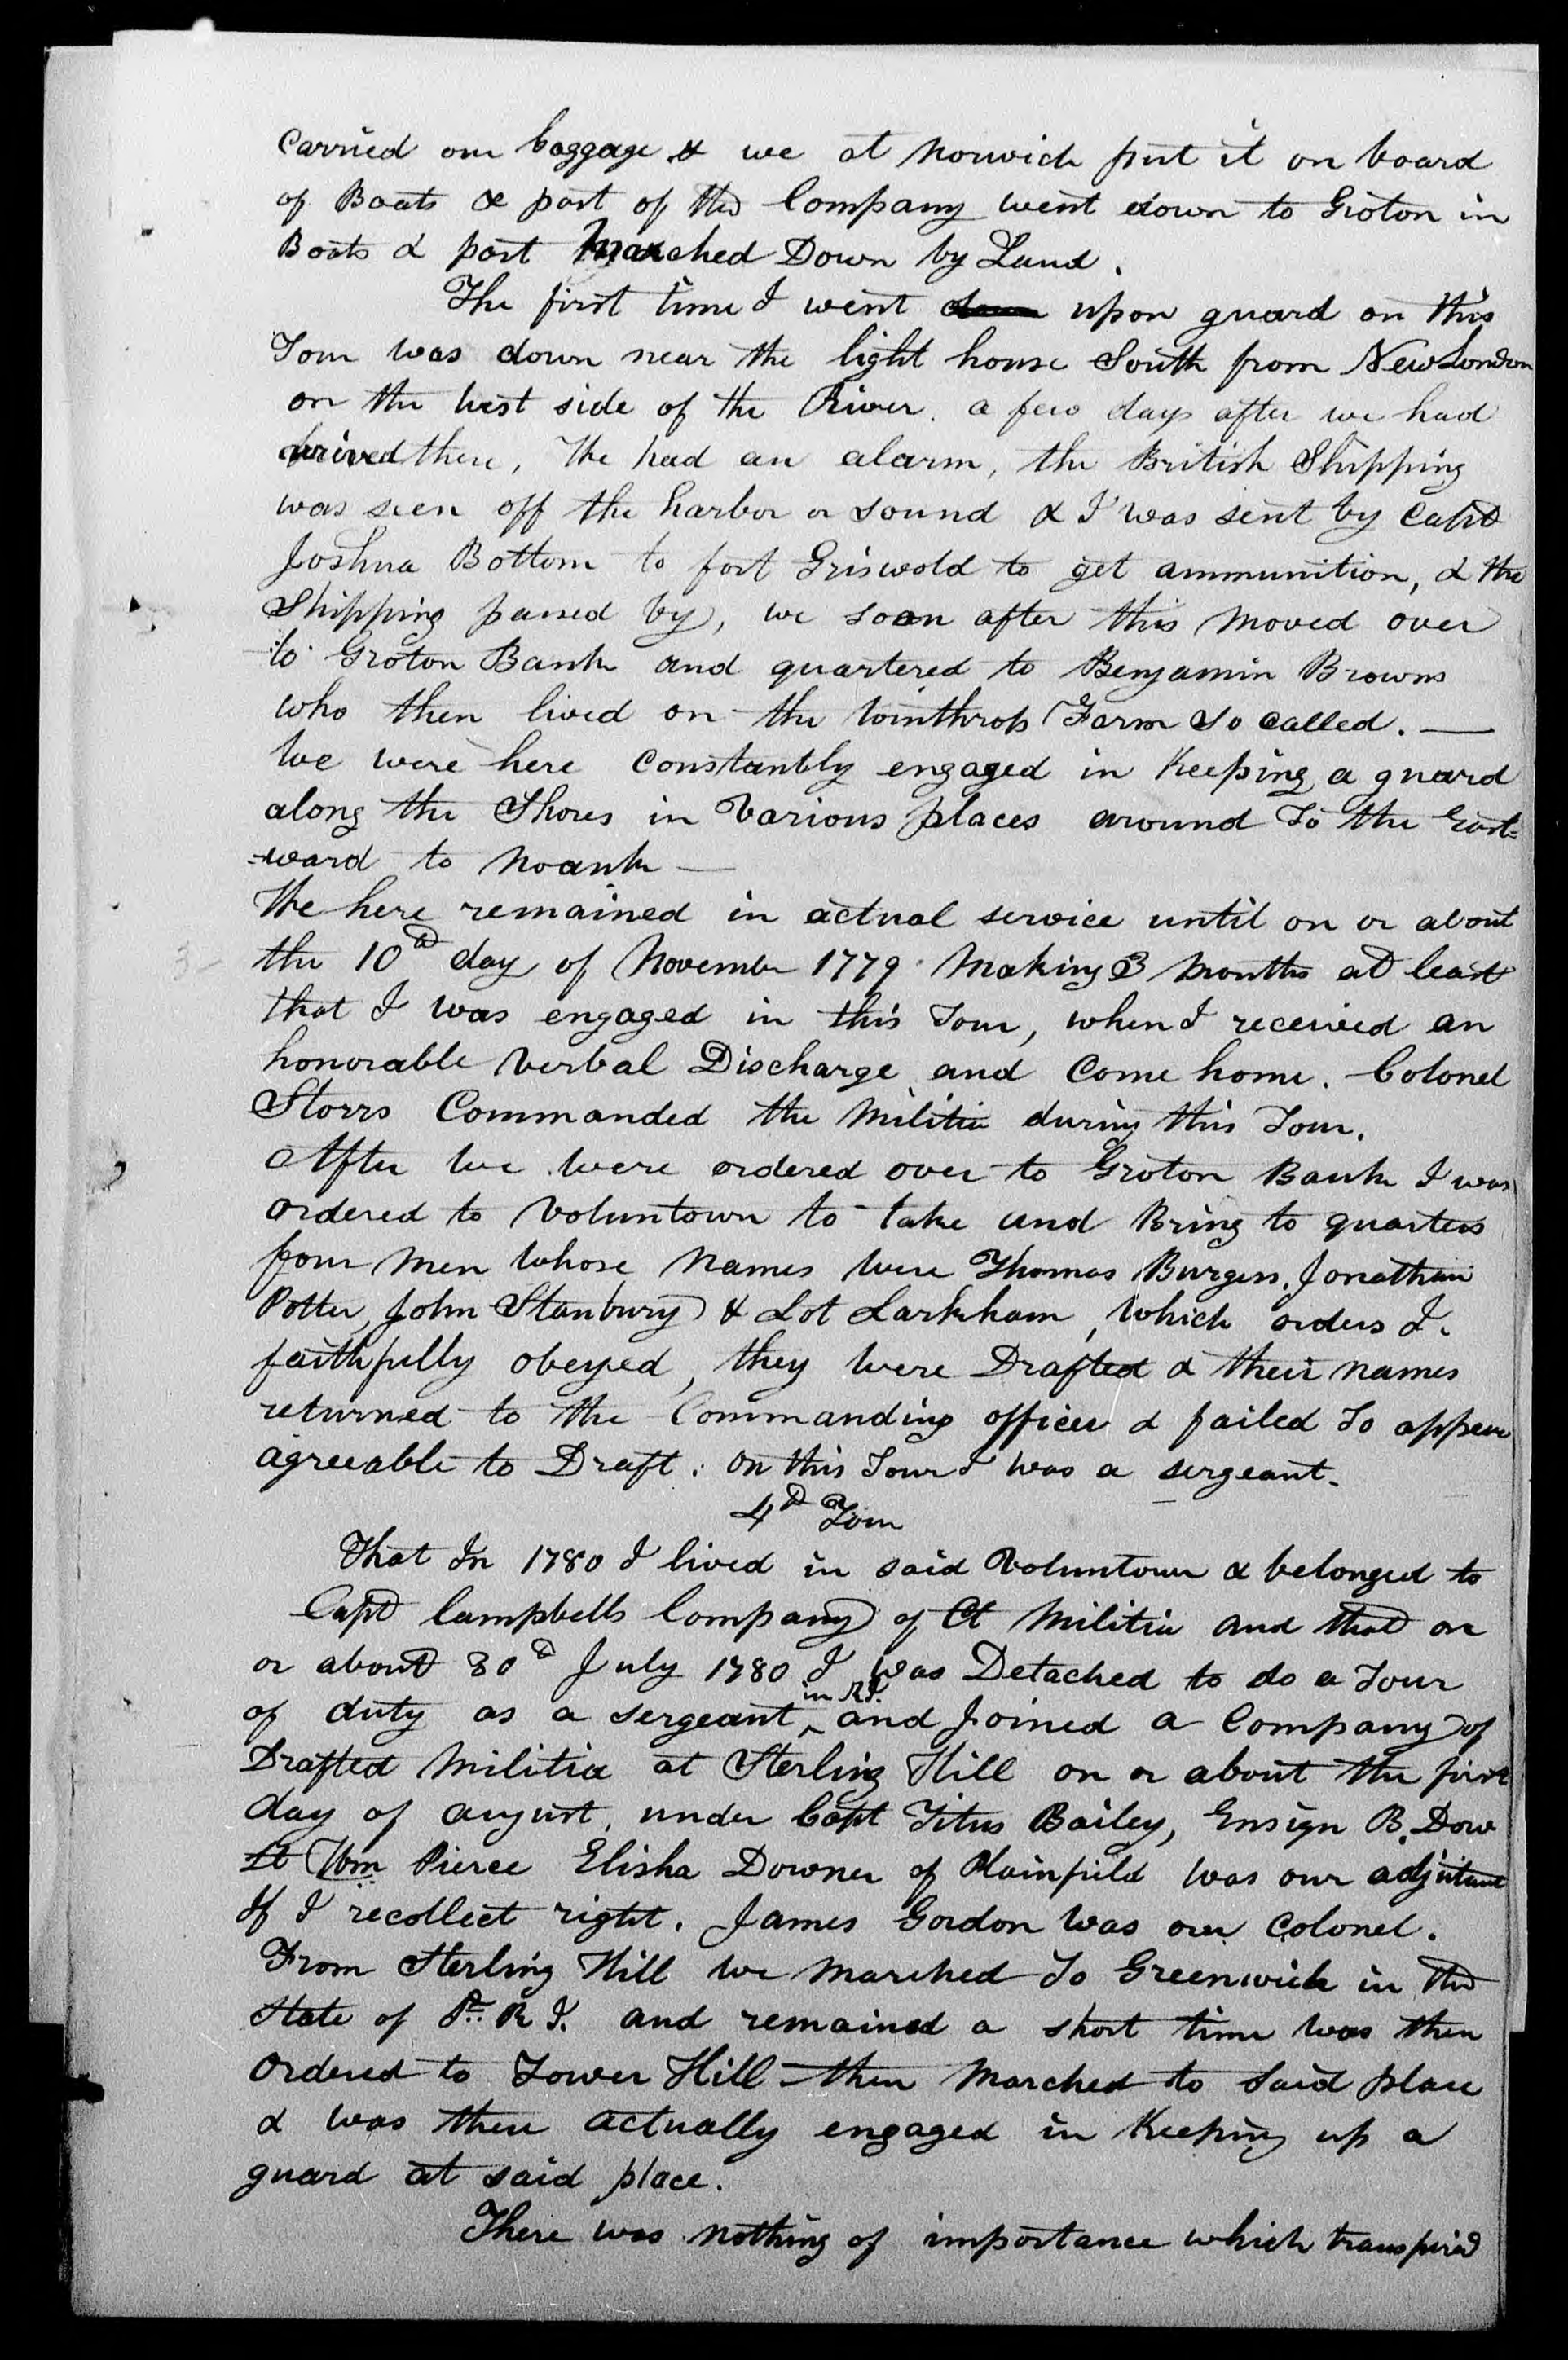carried our baggage & we at Norwich put it on board of Boats & part of the Company went down to Groton in Boats & part Marched Down by Land.

The first time I went upon guard on this Tour was down near the light house South from New London on the west side of the River. A few days after we had arrived there, we had an alarm, the British Shipping was seen off the harbor or sound & I was sent by Capt Joshua Bottom to fort Griswold to get ammunition, & the Shipping passed by, we soon after this moved over to Groton Bank and quartered to Benjamin Browns who then lived on the [illegible] Farm so called. _ We were here constantly engaged in keeping a guard along the Shores in various places around to the Eastward to Noank_ 
We here remained in actual service until on or about the 10th day of November 1779. Making 3 months at least that I was engaged in this Tour, when I received an honorable verbal Discharge and come home. Colonel Storrs Commanded the Militia during this tour. 
After we were ordered over to Groton Bank I was ordered to Voluntown to take and Bring to quarters four men whose names were Thomas Burgess, Jonathan Potter, John Stanbury & Lot Larkham which orders I faithfully obeyed, they were Drafted & their names returned to the Commanding officer & failed to appear agreeable to Draft. On this Tour I was a sergeant. 

4th Tour 
That in 1780 I lived in said Voluntown & belonged to Capt Campbells Company of CT Militia and that on or about 30 July 1780 I was Detached to do a Tour of duty as a Sergeant in R.I. and joined a Company of Drafted Militia at Sterling Hill on or about the first day of August, under Capt Titus Bailey, Ensign B. Dow Lt Wm Pierce Elisha Downer of Plainfield was our adjutant if I recollect right. James Gordon was our Colonel. 
From Sterling Hill we marched to Greenwich in the State of R. I. and remained a short time was then ordered to Tower Hill then marched to said place & was there actually engaged in keeping up a guard at said place. 
There was nothing of importance which transpired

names: James Gordon, Elisha Downer, Benjamin Browns, B Dow, Titus Bailey, Storrs, Thomas Burgess, Wm Pierce, Jonathan Potter, John Stanbury, Joshua Bottom, Lot Larkham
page: 5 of 37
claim: survivor's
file: S. 12,281, William Briggs, Conn.